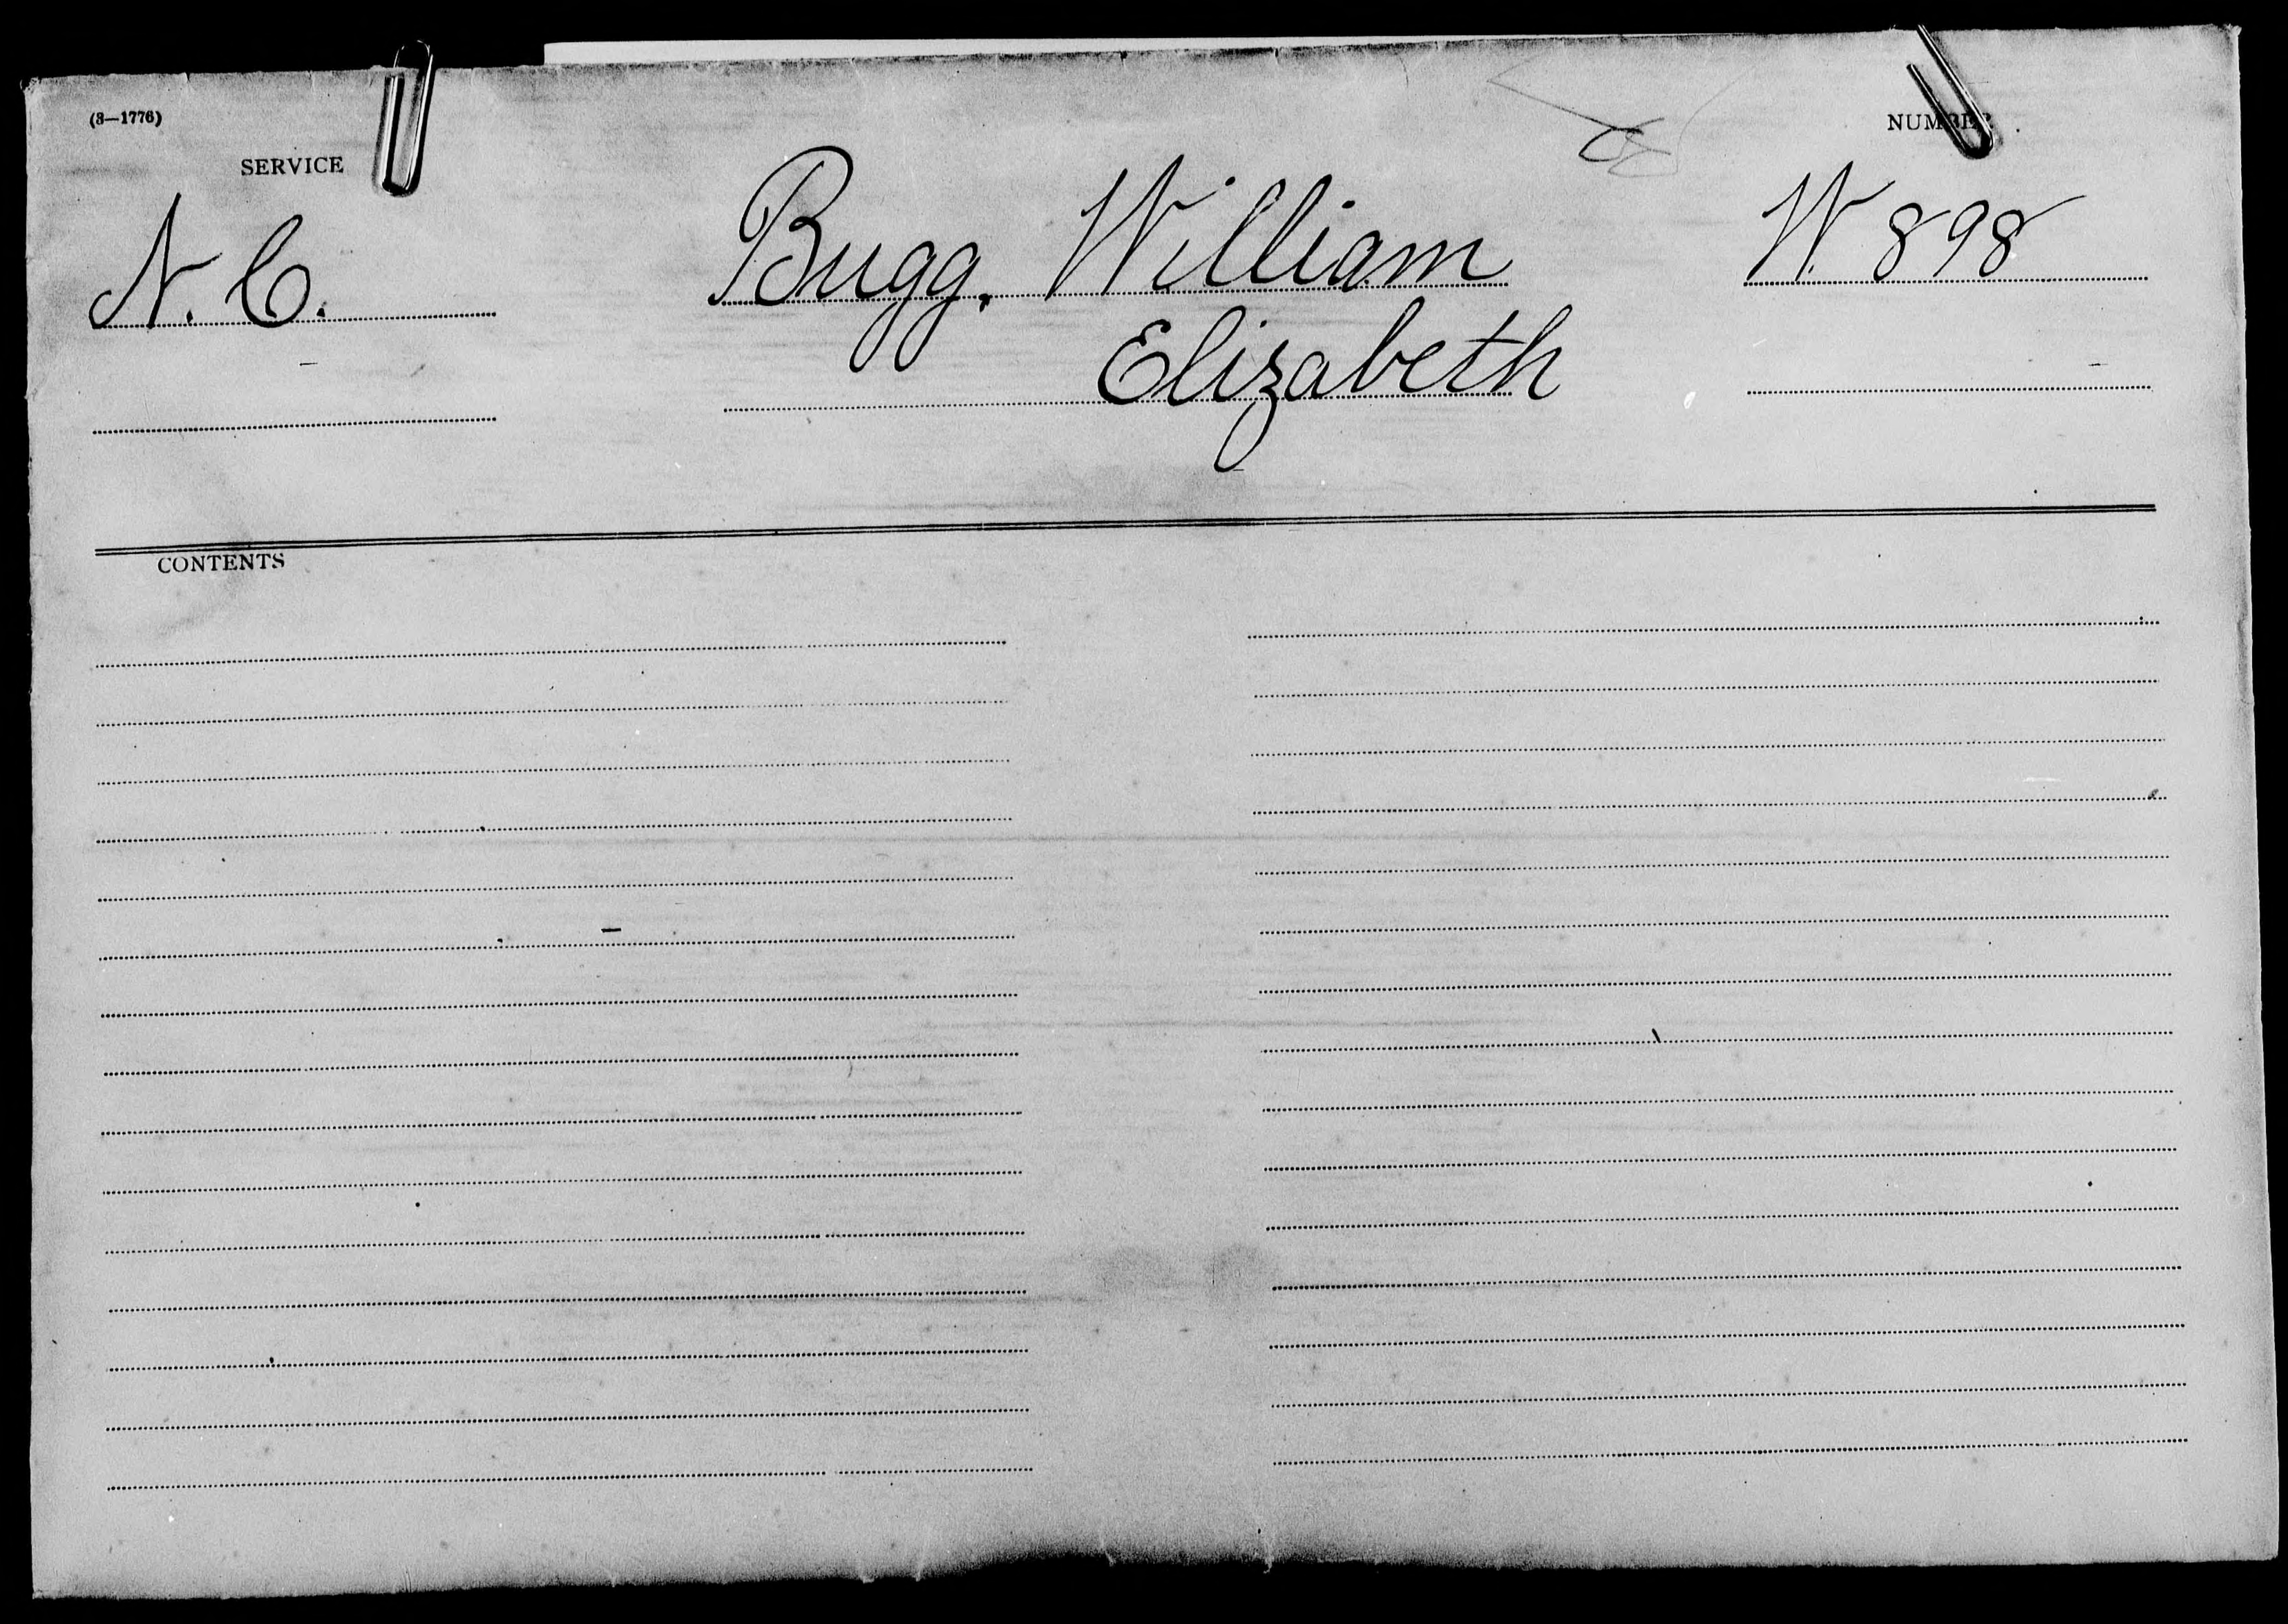(8-1776)
SERVICE N.C.
Bugg, William
           Elizabeth
NUMBER
W.898
_________________________________
CONTENTS
[This was followed by 15 blank sets of lines.}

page: 1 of 50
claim: widow's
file: W. 898, William Bugg, N.C.